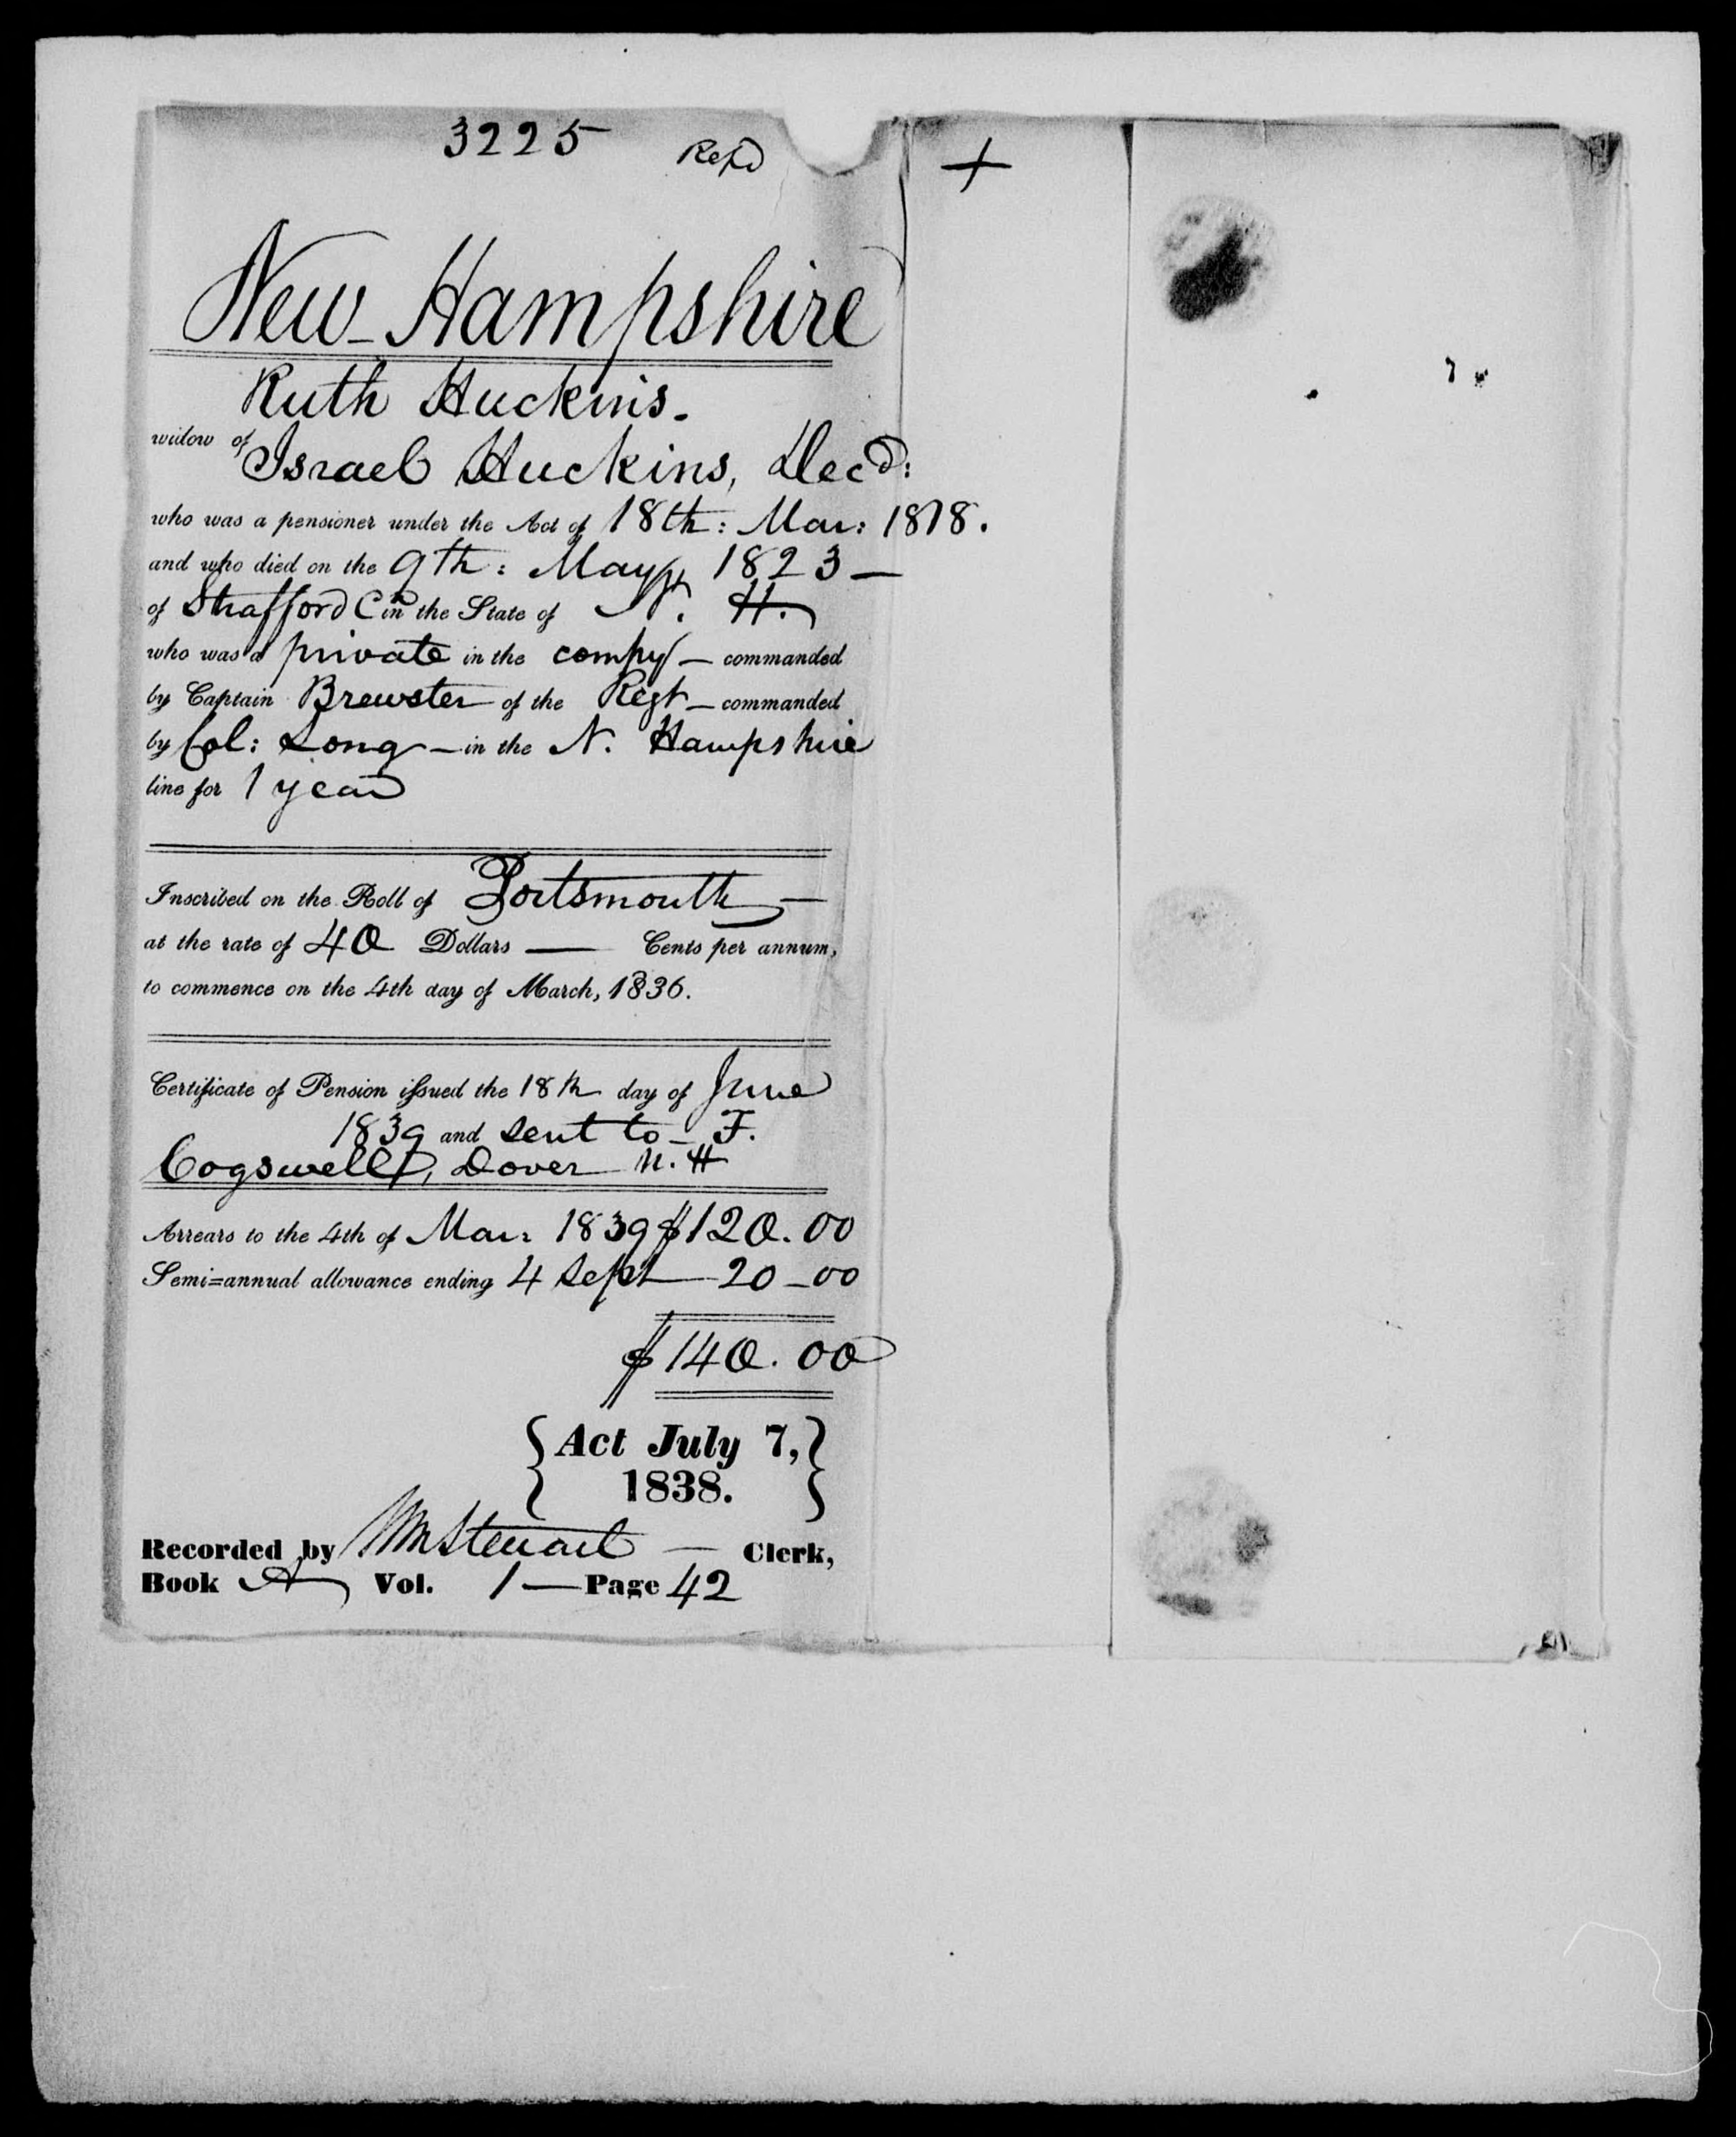New Hampshire
Ruth Huckins
widow of Israel Huckins, dec'd.
who was a pensioner under the Act of 18th Mar. 1818.

and who died on the 17th of May 1823.
Strafford in the State of N. H.

who was a private in the company commanded by Captain Brewster of the Regt commanded by Col. Long in the N. Hampshire line for 1 year.

Inscribed on the Roll of Portsmouth at the rate of $40.00 Dollars ___ Cents per annum, to commence on the 4th day of March, 1836.

Certificate of Pension issued the 18th day of June 1838 and sent to F. Cogswel, Dover, N.H.

Arrears to the 4th of Mar. 1838 $120.00
Semiannual allowance ending 4 Septr 20.00
$140.00

Act July 7, 1838.
Recorded by M. Stuart, Clerk, Book D Vol. 1 Page 42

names: Wm Steuart, Long, Israel Huckins, Ruth Huckins, Brewster, F Cogswell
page: 25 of 35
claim: widow's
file: W. 16127, Israel Huckins, N.H.